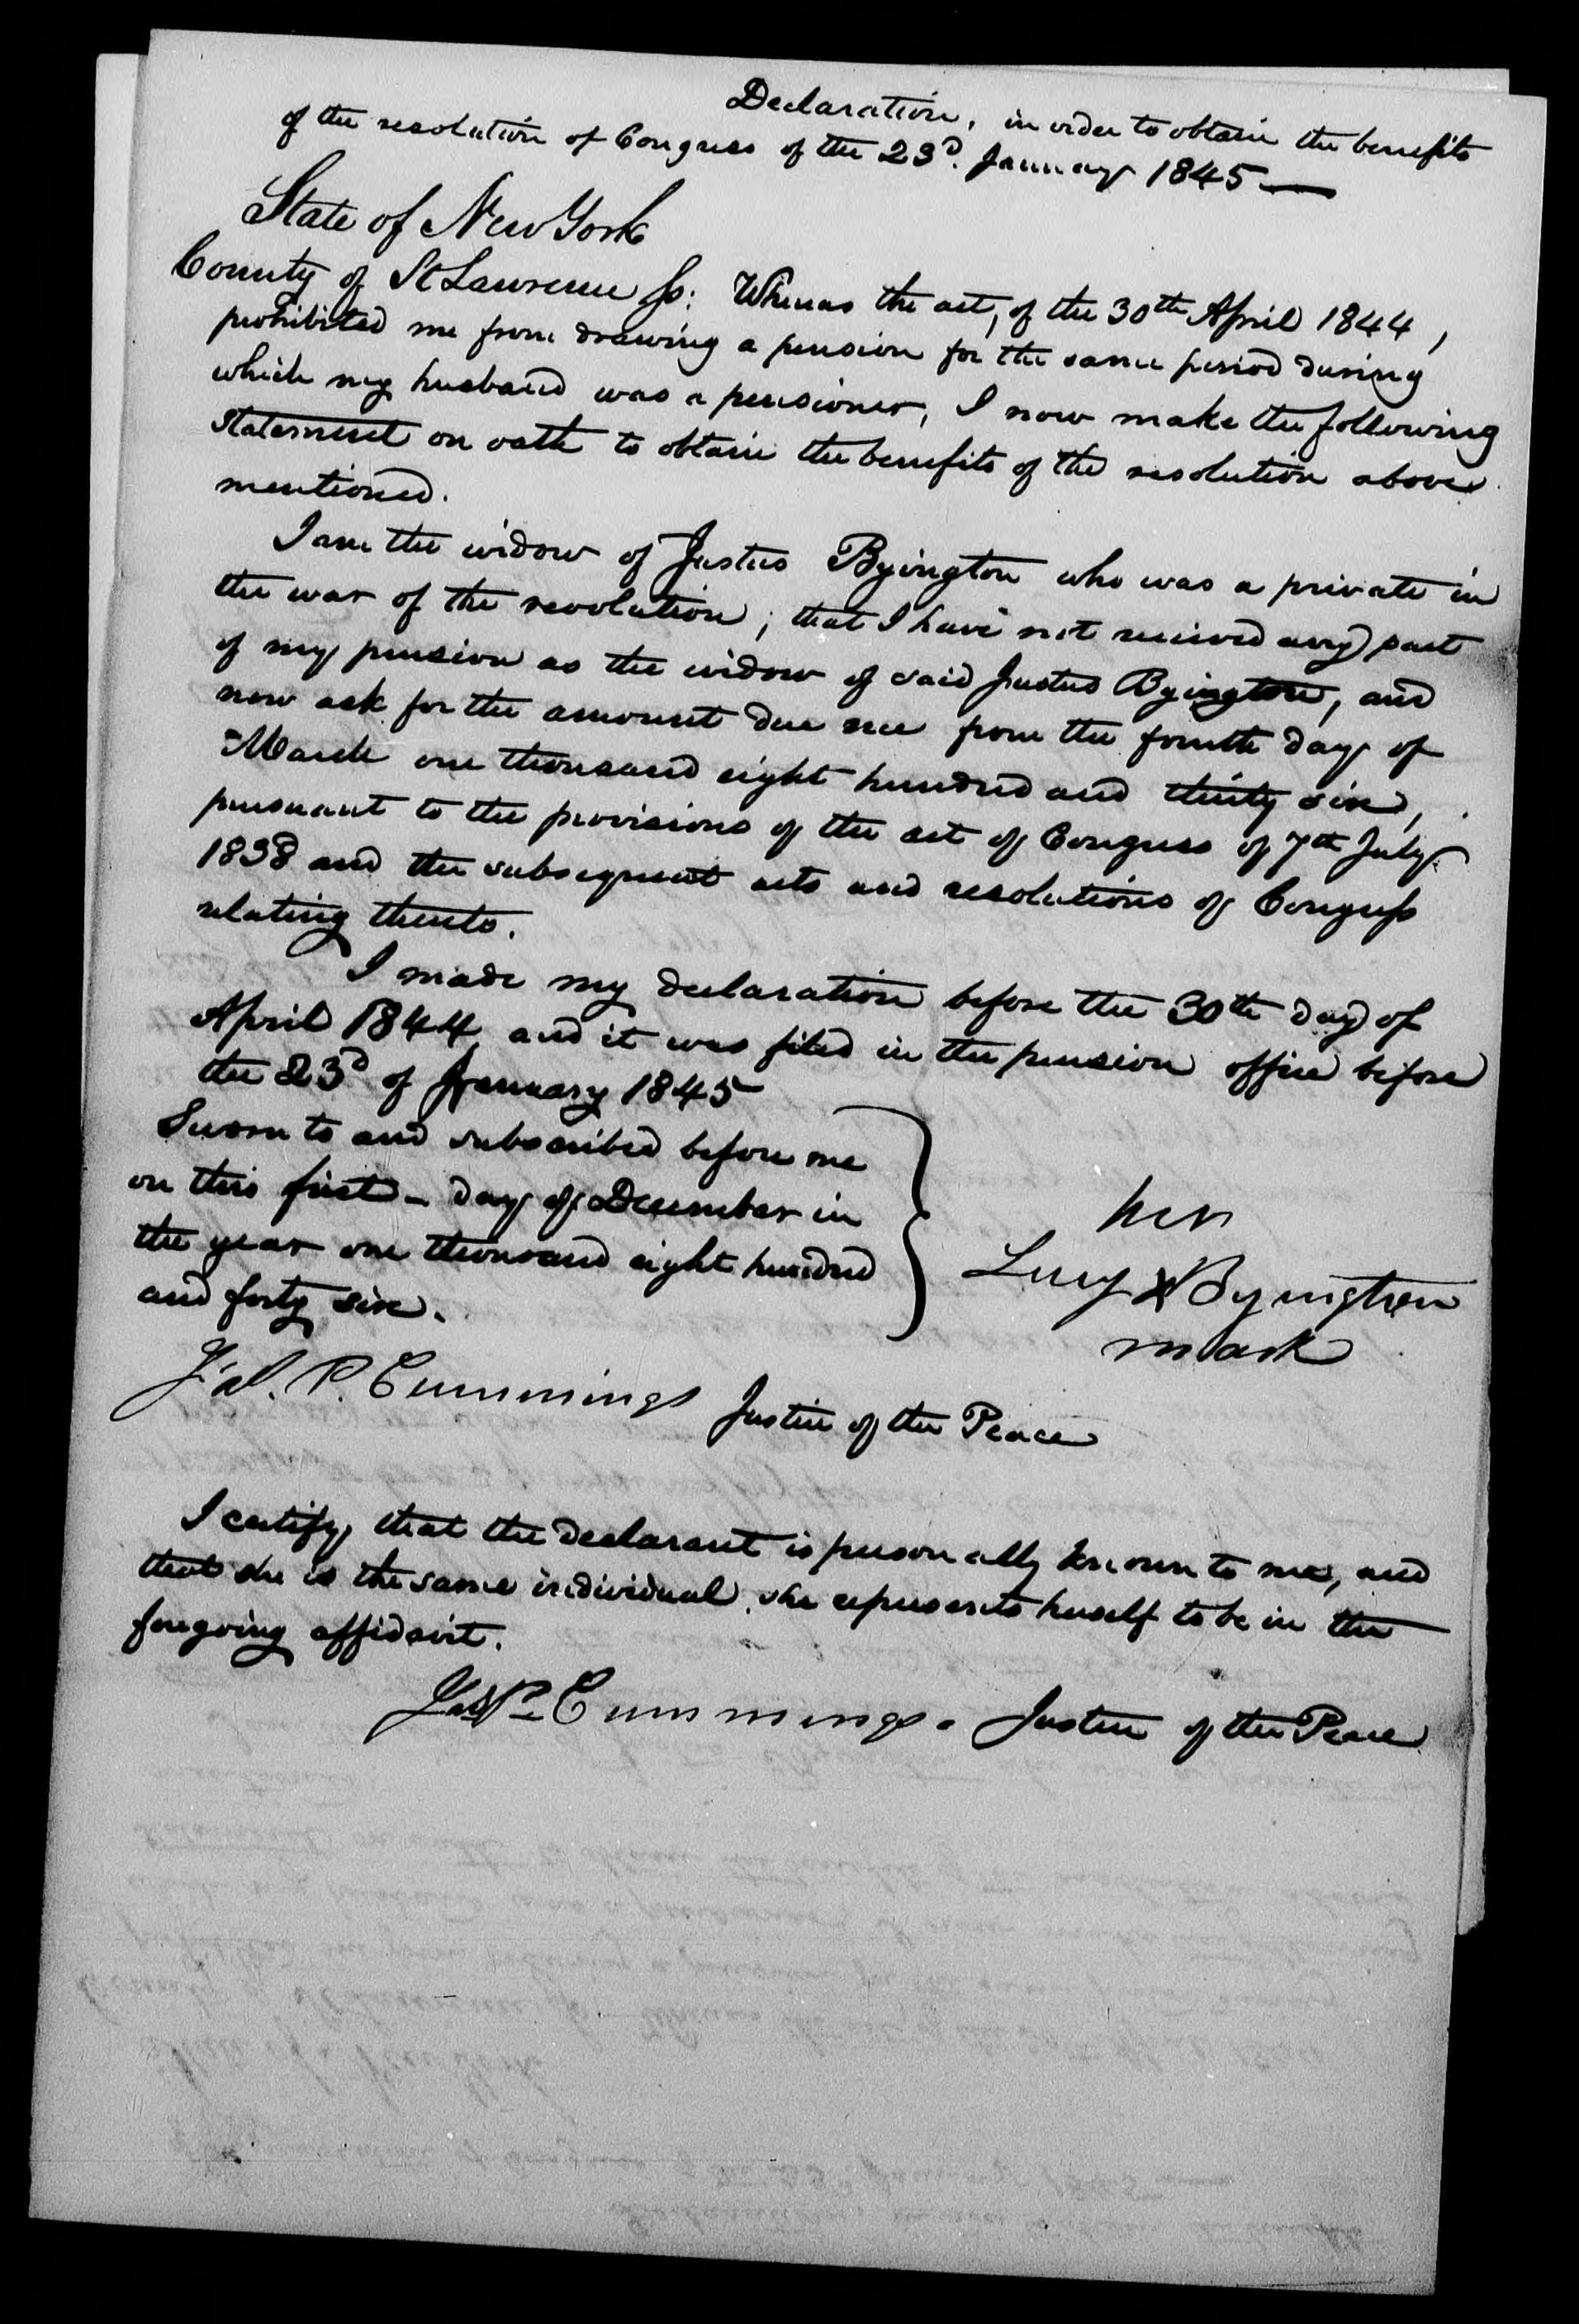Declaration, in order to obtain the benefits of the resolution of Congress of the 23d January 1845--
State of New York
County of St. Lawrence ss: Whereas the act, of the 30th April 1844, prohibited me from drawing a pension for the same period during while my husband was a pensioner, I now make the following statement on oath to obtain the benefits of the resolution above mentioned.
I am the widow of Justus Byington who was a private in the war of the revolution, that I have not received any part of my pension as the widow of said Justus Byington, and now ask for the amount due sece from the fourth day of March one thousand eight hundred and thirty six, pursuant to the provisions of the Act of Congress of 7th July 1838 and the subsequent acts and resolutions of Congress relating thereto.
I made my declaration before the 30th day of April 1844 and it was filed in the pension office before the 23d of January 1845
Lucy Byington

Sworn and subscribed before me}
on this first day of December in the year on thousand eight hundred and forty six}
Jas. P. Cummings Justice of the Peace

I certify that the Declarant is personally sworn to me, and that she is the same individual she presents herself to be in the foregoing affidavit.
Jas. P Cummings Justice of the Peace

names: Lucy Byington, Jas P Cummings, Justus Byington, Justus Byington, Jas P Cummings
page: 60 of 79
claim: widow's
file: W. 23754, Justus Byington, Conn.